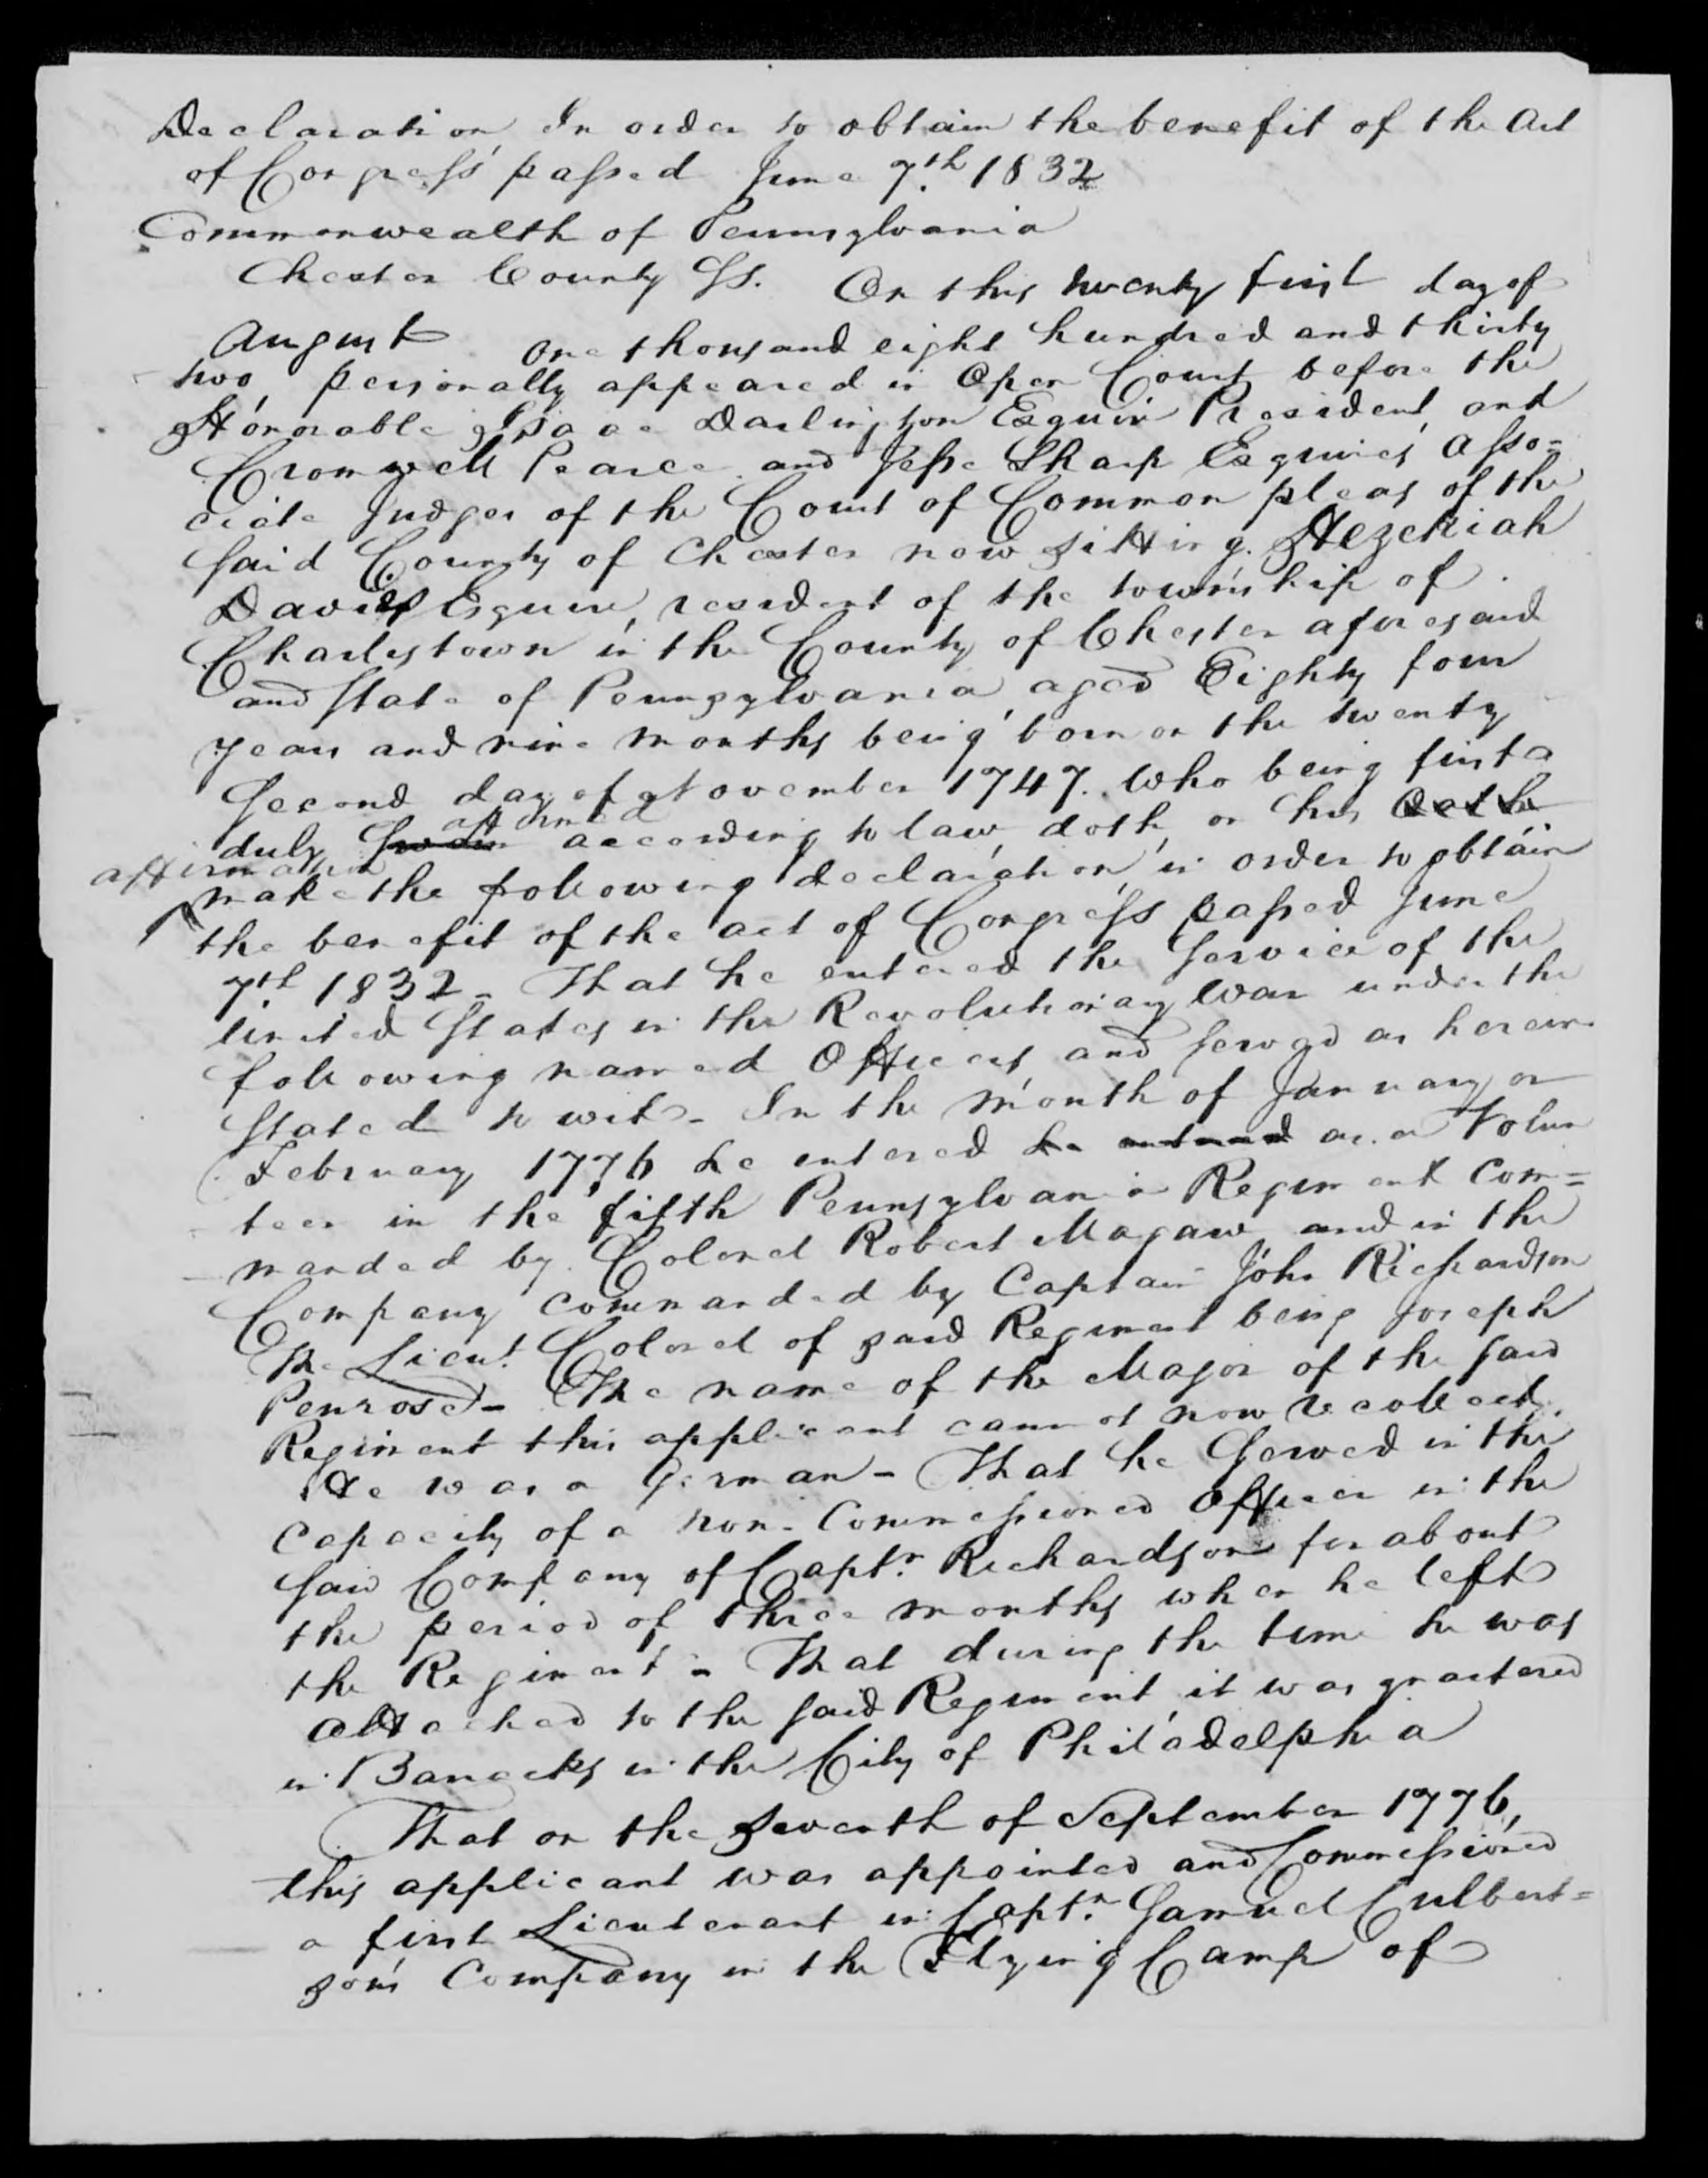Declaration In order to obtain the benefit of the Act of Congress' passed June 7th 1832
Commonwealth of Pennsylvania
Chester County SS
On this twenty first day of August one thousand and eight hundred and thirty two, personally appeared in Open Court before the Honorable Isaac Darlington, Esquire President and Cromzech Pearce and Jesse Sharp Esquires' associate Judges of the Court of Common pleas of the said County of Chester now sitting, Hezekiah Davis, Esquire, resident of the township of Charlestown in the County of Chester aforesaid and State of Pennsylvania aged Eighty four years and nine months being born on the twenty second day of November 1747, who being first duly affirmed according to law doth, on his affirmation make the following declaration in order to obtain the benefit of the act of Congress passed June 7th 1832- That he entered the service of the United States in the Revolutionary War under the following named Officers and served as herein stated to wit. In the month of January or February 1776 he entered as a volunteer in the Fifth Pennsylvania Regiment Commanded by Colonel Robert Magaw and in the Company commanded by Captain John Richardson the Lieut. Colonel of said Regiment being Joseph Penrose-The name of the Major of the said Regiment this applicant cannot now recollect. He was German-That he served in the Capacity of a non-commissioned officer in the said Company of Capt. Richardson for about the period of three months when he left the Regiment -- That during the time he was attached to the said Regiment it was quartered in Baracks in the City of Philadelphia. That on the seventh of September 1776, this applicant was appointed and Commissioned a first Lieutenant in Capt. Samuel Culbertson's Company in the Flying Camp of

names: Hezekiah Davies, Joseph Penros, Isaac Darlington, Richardson, John Richardson, Robert Magaw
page: 3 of 57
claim: survivor's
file: S. 2161, Hezekiah Davies, Penn